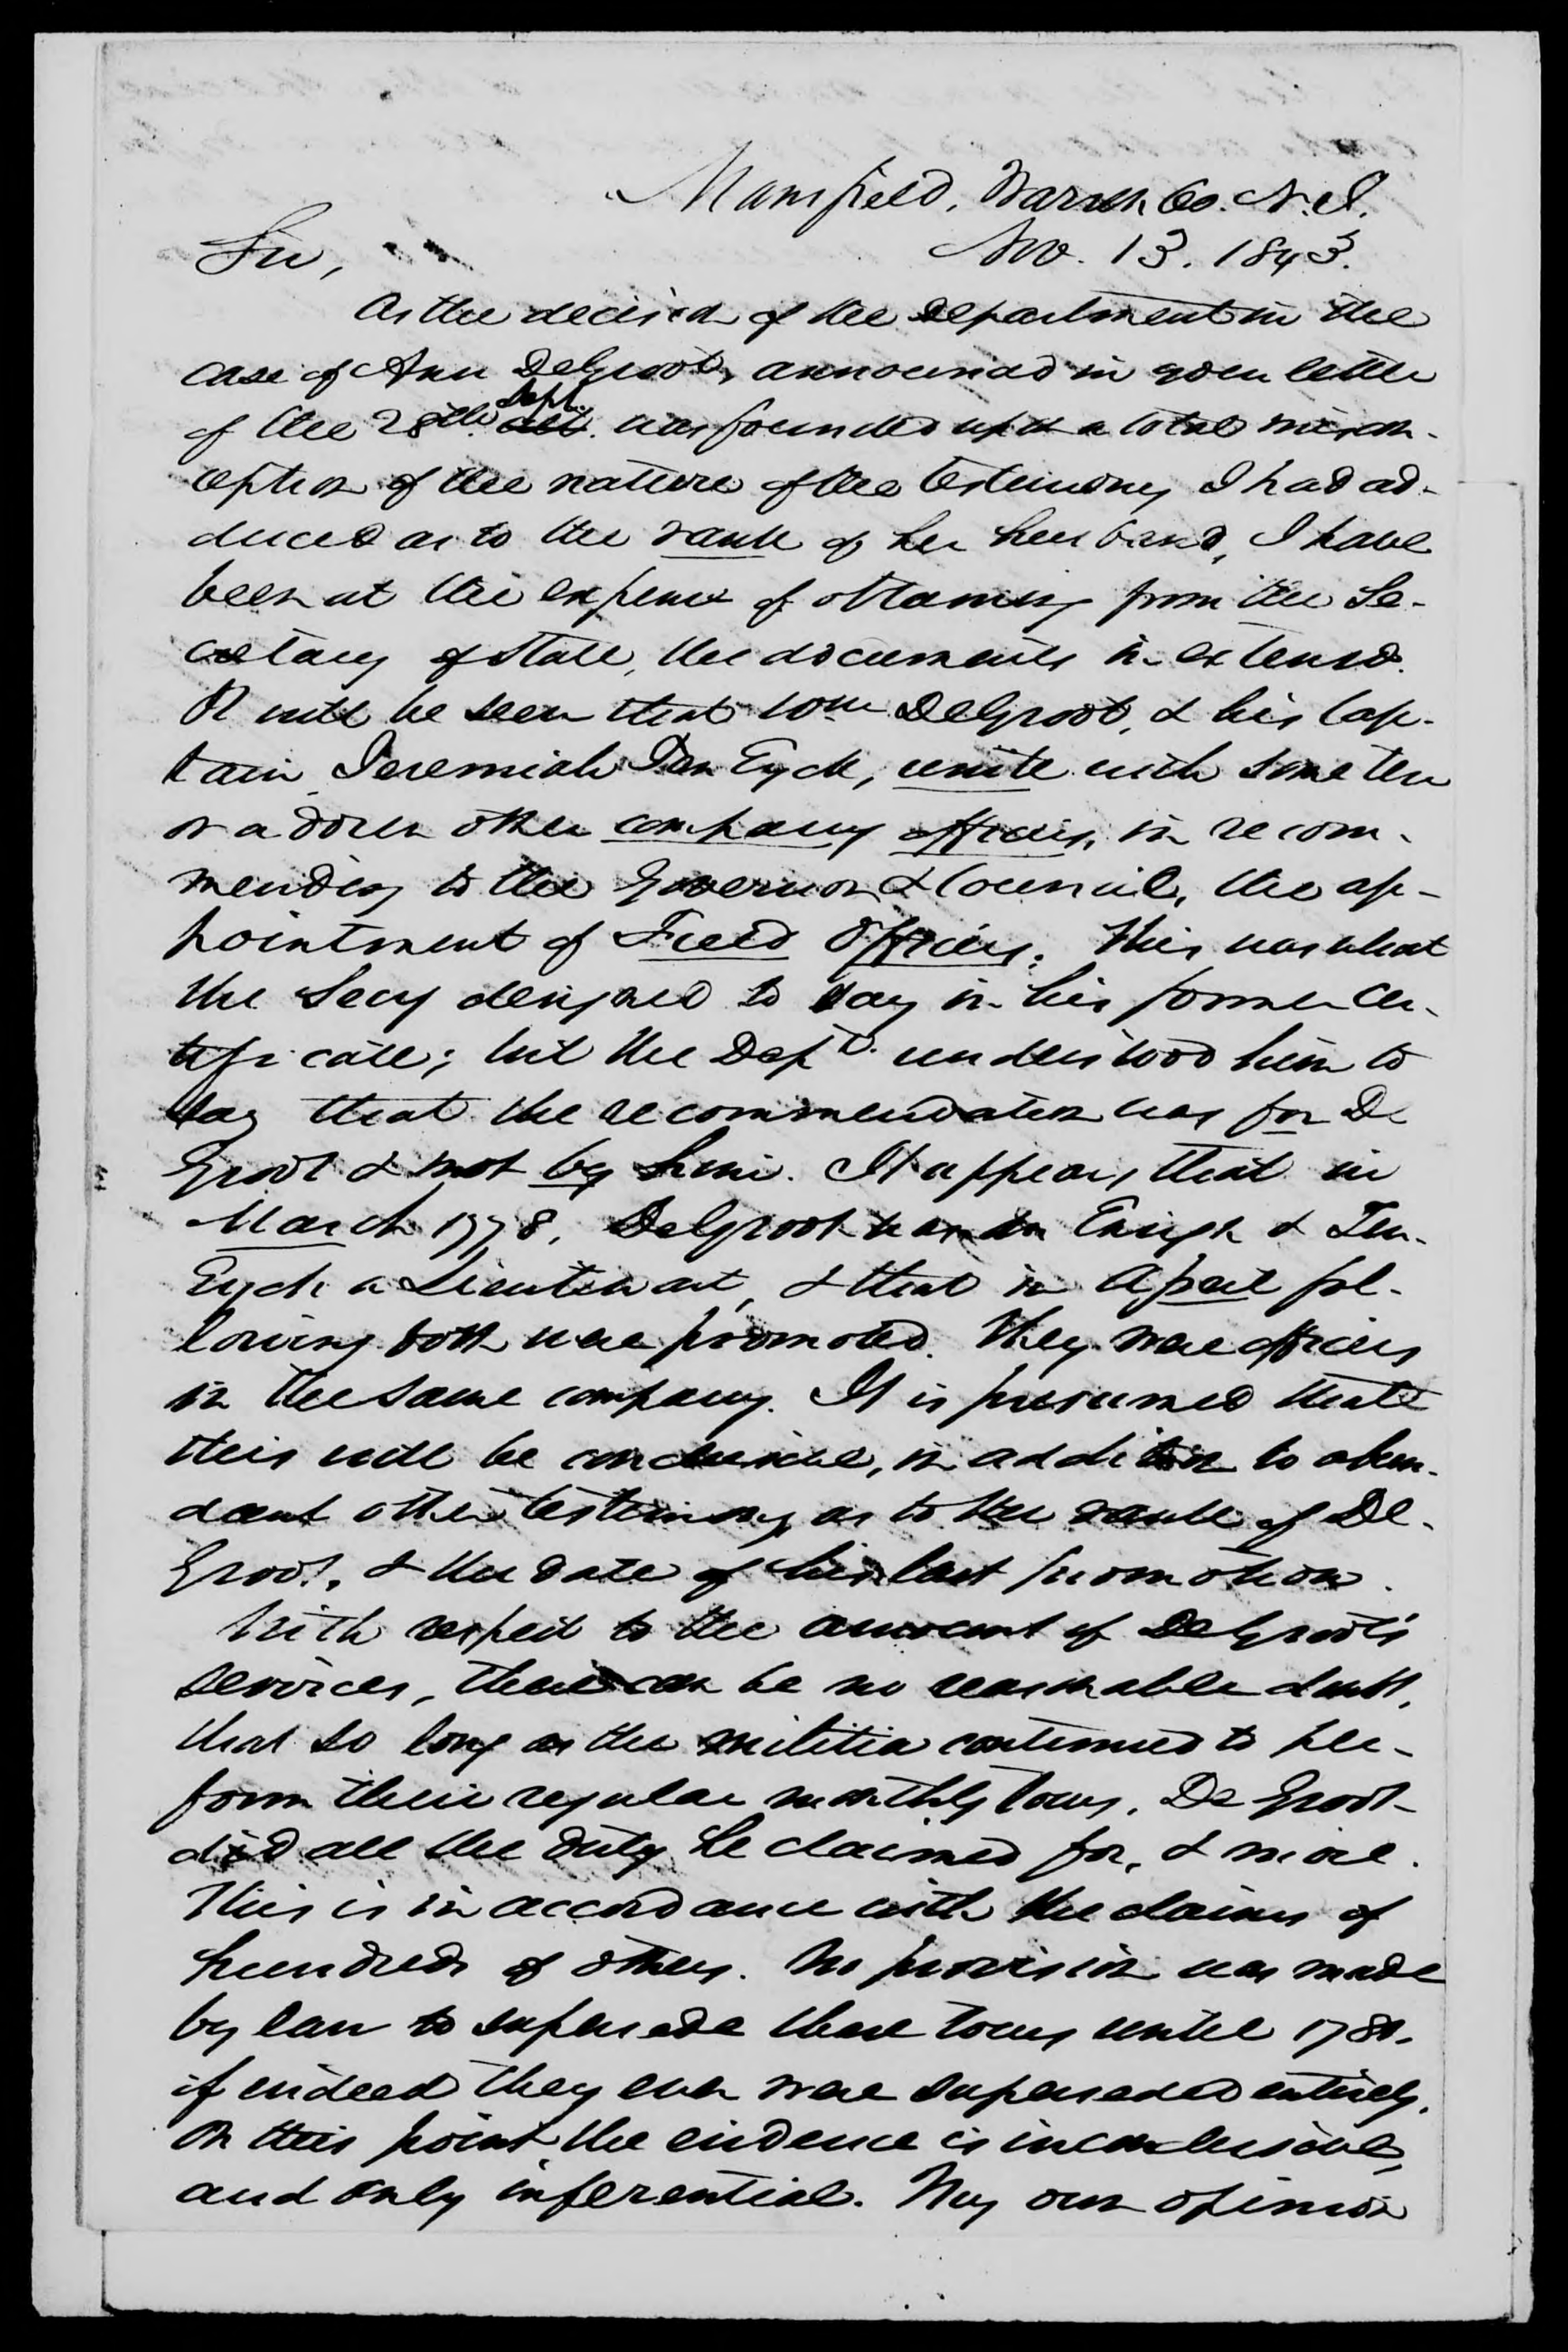Mansfield, Warren Co. N. J.
Nov. 13. 1843

Sir,

As the decision of the department in the case of Ann DeGroot, announced in your letter of the 28th Sept. was founded upon a total misconception of the nature of the testimony I had adduced as to the rank of her husband, I have been at the expense of obtaining from the
Secretary of State, the documents in extensd.
It will be seen that Wm DeGroot, & his Captain Jeremiah Ten Eyck, unite with some ten
or addl other company officers, in recommending to the Governor & Council, the appointment of Field Officers. This was what
the Secy designed to say in his former
certificate; but the Dept, understood him to
say that the recommendation was for De Groot & not by him. It appears that in March 1778, De Grootk was Ensign & Ten Eyck a Lieutenant & that in April following both were promoted.  They were officers in the same company. It is presumed that this will be conclusive, in addition to [illegible] other testimony as to the rank of De Groot & the date of last promotion. 
With respect to the amount of De Groot's 
services, there can be no reasonable doubt,
that so long as the militia continued to perform
their regular monthly tours, De Groot and all the duty he claimed for & more. This is in accordance with the claims of hundreds of others.  No provision was made by law to supercede these tours until 1780, if indeed they ever were superseded entirely.  On this point the evidence is inconclusive, and only inferential. My own opinion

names: De Groot, De Groot, Ann De Groot, De Groot, Wm De Groot, Ten Eyck, De Groot, Jeremiah Ten Eyck, De Groot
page: 58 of 77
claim: widow's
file: W. 417, William De Groot, New Jersey